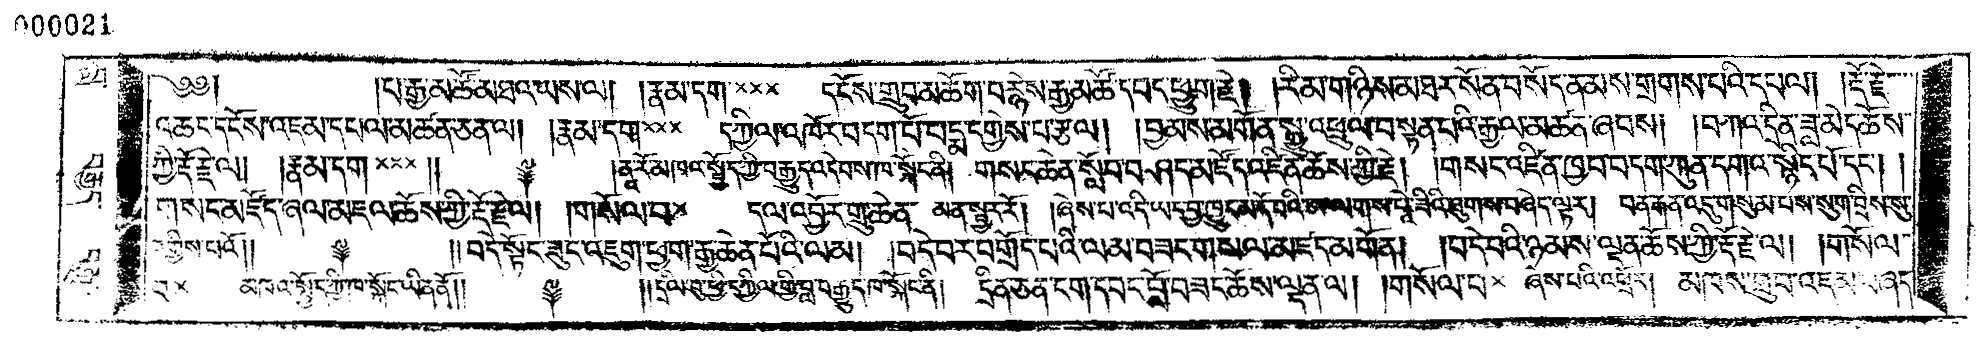༄༅། །པ་རྒྱ་མཚོ་མཐའ་ཡས་ལ། །རྣམ་དག་྾྾྾་དངོས་གྲུབ་མཆོག་བརྙེས་རྒྱ་མཚོ་དབང་ཕྱུག་རྗེ། །རིམ་གཉིས་མཐར་སོན་བསོད་ནམས་གྲགས་པའི་དཔལ། །རྡོ་རྗེ་
འཆང་དངོས་འཇམ་དཔལ་མཚན་ཅན་ལ། །རྣམ་དག་྾྾྾་དཀྱིལ་འཁོར་བདག་པོ་པདམ་དགྱེས་པ་རྩལ། །བྱམས་མགོན་སྒྱུ་འཕྲུལ་བསྟན་པའི་རྒྱལ་མཚན་ཞབས། །བཀའ་དྲིན་ཟླ་མེད་ཆོས་
ཀྱི་རྡོ་རྗེ་ལ། །རྣམ་དག་྾྾྾།། ༈ །ནཱ་རོ་མཁའ་སྤྱོད་ཀྱི་བརྒྱུད་འདེབས་ཁ་སྐོང་ནི།  གསང་ཆེན་སློབ་བཤད་མཛོད་འཛིན་ཆོས་ཀྱི་རྗེ། །གསང་འཛིན་ཁྱབ་བདག་ཀུན་དགའ་སྙིང་པོ་དང་། །
གསང་མཛོད་ཞལ་མཇལ་ཆོས་ཀྱི་རྡོ་རྗེ་ལ། །གསོལ་བ་྾་དལ་འབྱོར་གྲུ་ཆེན་མན་སྦྱར་རོ། །ཞེས་པ་འདི་ཡང་བྱ་ཁྱུང་མདོ་བའི་ཨ་ལགས་པE་ཟིའི་ཐུགས་བཞེད་ལྟར། བན་རྒན་འདུ་གསུམ་པས་སུག་བྲིས་སུ་
བགྱིས་པའོ།། ༈ །།བདེ་སྟོང་ཟུང་འཇུག་ཕྱག་རྒྱ་ཆེན་པོའི་ལམ། །བདེ་བར་བགྲོད་པའི་ལམ་བཟང་གསལ་མཛད་མགོན། །བདེ་བའི་ཉམས་ལྡན་ཆོས་ཀྱི་རྡོ་རྗེ་ལ། །གསོལ་
བ་྾་མཁའ་སྤྱོད་ཀྱི་ཁ་སྐོང་ཡིན་ནོ།། ༈ །།དྲིལ་བུ་ཕྱི་དཀྱིལ་གྱི་བླ་བརྒྱུད་ཁ་སྐོང་ནི།  དྲིན་ཅན་ངག་དབང་བློ་བཟང་ཆོས་ལྡན་ལ། །གསོལ་བ་྾་ཞེས་པའི་འཕྲོར།  མཁས་གྲུབ་འཇམ་བཞད་